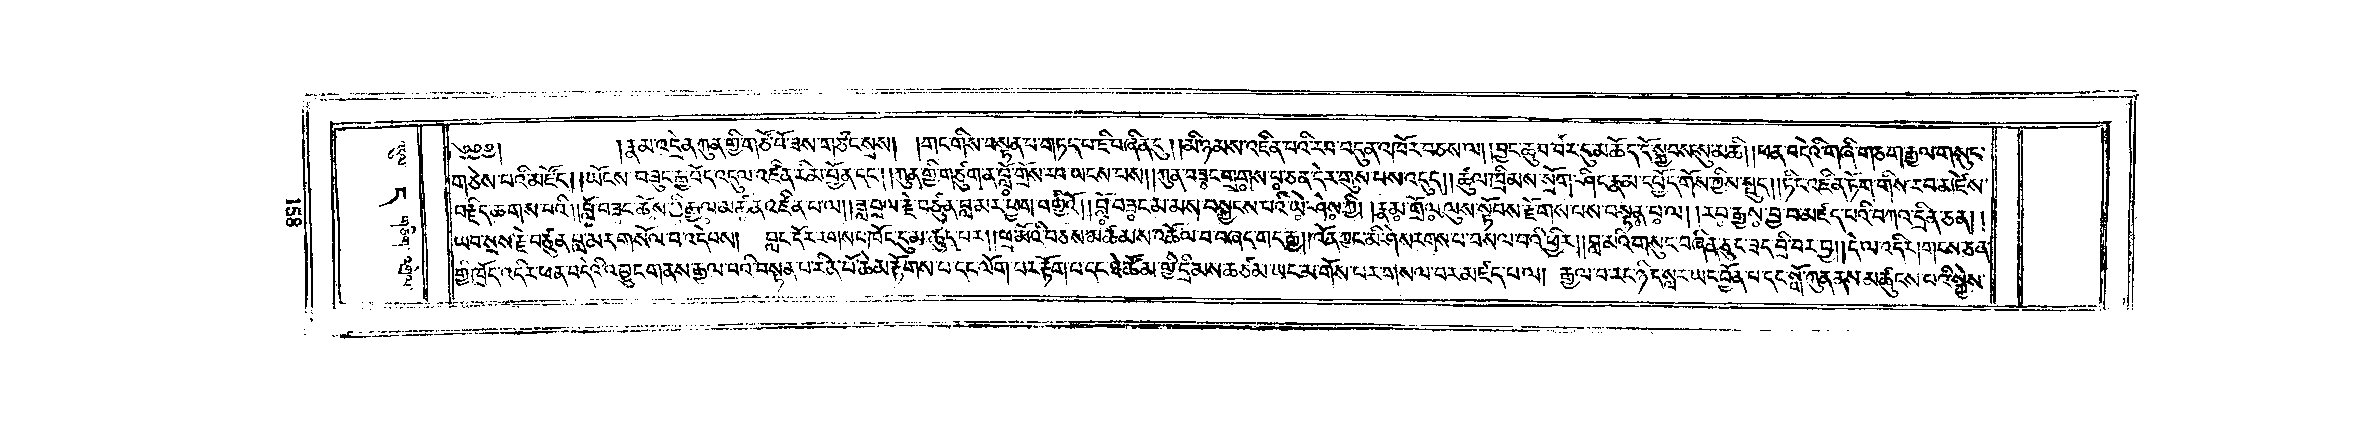༄༅། །རྣམ་འདྲེན་ཀུན་གྱི་གཙོ་བོ་ཟས་གཙང་སྲས། །གང་གིས་བསྟན་པ་གཏད་པ་ཇི་བཞིན་དུ། །མི་ཉམས་འཛིན་པའི་རབ་བདུན་འཁོར་བཅས་ལ། །བྱང་ཆུབ་བར་དུ་མཆོད་དོ་སྐྱབས་སུ་མཆི། །ཕན་བདེའི་གཞི་གཅིག་རྒྱལ་གསུང་
གཅེས་པའི་མཛོད། །ཡོངས་བཟུང་རྒྱ་བོད་འདུལ་འཛིན་རིམ་བྱོན་དང་། །ཀུན་གྱི་གཙུག་ན་བློ་གྲོས་རབ་ཡངས་པས། །ཀུན་བཟང་གྲགས་པ་ཅན་དེར་གུས་པས་འདུད། །ཚུལ་ཁྲིམས་སྲོག་ཤིང་རྣམ་དཔྱོད་གོས་ཀྱིས་སྤུད། །ཏིང་འཛིན་ཏོག་གིས་རབ་མཛེས་
བརྗིད་ཆགས་པའི། །བློ་བཟང་ཆོས་ཀྱི་རྒྱལ་མཚན་འཛིན་པ་ལ། །ཟླ་བྲལ་རྗེ་བཙུན་བླ་མར་ཕྱག་བགྱིའོ། །བློ་བཟང་མ་མས་བསྐྱངས་པའི་ཡེ་ཤེས་ཀྱི། །རྣམ་གྲོལ་ལུས་སྟོབས་རྫོགས་པས་བསྟན་པ་ལ། །རབ་རྒྱས་བྱ་བ་མཛད་པའི་བཀའ་དྲིན་ཅན། །
ཡབ་སྲས་རྗེ་བཙུན་བླ་མར་གསོལ་བ་འདེབས། བླང་དོར་རགས་པ་ཁོང་དུ་མ་ཚུད་པར། །ཕྲ་མོའི་བཅས་མཚམས་འཚོལ་བ་བཞད་གད་རྒྱ། །འོན་ཀྱང་མི་ཤེས་རགས་པ་བསལ་བའི་ཕྱིར། །བླ་མའི་གསུང་བཞིན་ཅུང་ཟད་བྲི་བར་བྱ། །དེ་ལ་འདིར། གངས་ཅན་
གྱི་ཁྲོད་འདིར་ཕན་བདེའི་འབྱུང་གནས་རྒྱལ་བའི་བསྟན་པ་རིན་པོ་ཆེ་མ་རྟོགས་པ་དང་ལོག་པར་རྟོག་པ་དང་ཐེ་ཚོམ་གྱི་དྲི་མས་ཆ་ཙམ་ཡང་མ་གོས་པར་གསལ་བར་མཛད་པ་ལ། རྒྱལ་བ་རང་ཉིད་སླར་ཡང་བྱོན་པ་དང་སྒོ་ཀུན་ནས་མཚུངས་པའི་སྐྱེས་